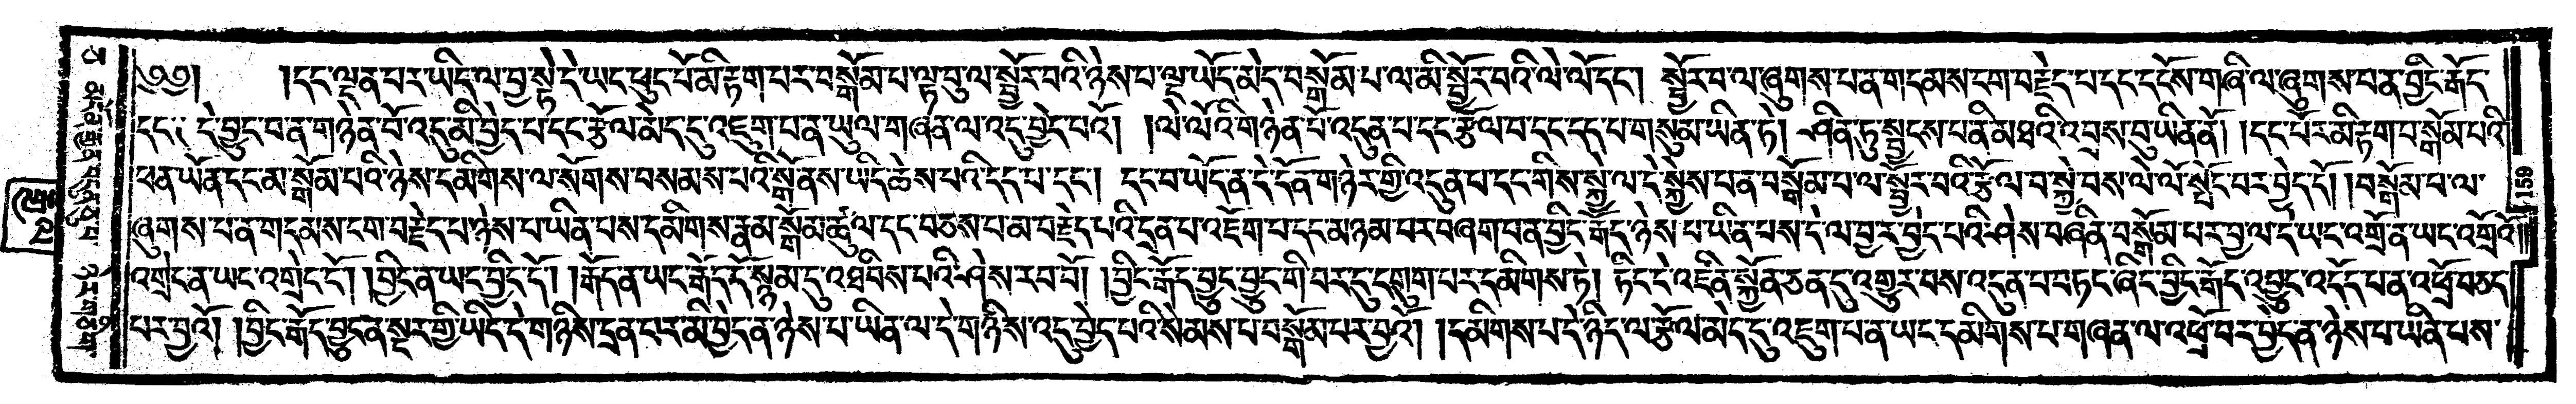༄༅། །དང་ལྡན་པར་ཡིད་ལ་བྱ་སྟེ་དེ་ཡང་ཕུང་པོ་མི་རྟག་པར་བསྒོམ་པ་ལྟ་བུ་ལ་སྦྱོར་བའི་ཉེས་པ་ལྔ་ཡོད་མེད་བསྒོམ་པ་ལ་མི་སྦྱོར་བའི་ལེ་ལོ་དང་། སྦྱོར་བ་ལ་ཞུགས་པ་ན་གདམས་ངག་བརྗེད་པ་དང་དངོས་གཞི་ལ་ཞུགས་པ་ན་བྱིང་རྒོད་
དང་། དེ་བྱུང་བ་ན་གཉེན་པོ་འདུ་མི་བྱེད་པ་དང་རྩོལ་མེད་དུ་འཇུག་པ་ན་ཡུལ་གཞན་ལ་འདུ་བྱེད་པའོ། །ལེ་ལོའི་གཉེན་པོ་འདུན་པ་དང་རྩོལ་བ་དང་དད་པ་གསུམ་ཡིན་ཏེ། ཤིན་ཏུ་སྦྱངས་པ་ནི་མཐའི་འབྲས་བུ་ཡིན་ནོ། །དང་པོར་མི་རྟག་པ་སྒོམ་པའི་
ཕན་ཡོན་དང་མ་སྒོམ་པའི་ཉེས་དམིགས་ལ་སོགས་བསམས་པའི་སྒོ་ནས་ཡིད་ཆེས་པའི་དད་པ་དང་། དང་བ་ཡོད་ན་དེ་དོན་གཉེར་གྱི་འདུན་པ་དང་གིས་སྐྱེ་ལ་དེ་སྐྱེས་པ་ན་བསྒོམ་པ་ལ་སྦྱོར་བའི་རྩོལ་བ་སྐྱེ་བས་ལེ་ལོ་སྤོང་བར་བྱེད་དོ། །བསྒོམ་པ་ལ་
ཞུགས་པ་ན་གདམས་ངག་བརྗེད་པ་ཉེས་པ་ཡིན་པས་དམིགས་རྣམ་སྒོམ་ཚུལ་དང་བཅས་པ་མ་བརྗེད་པའི་དྲན་པ་འཇོག་པ་དང་མཉམ་པར་བཞག་པ་ན་བྱིང་རྒོད་ཉེས་པ་ཡིན་པས་དེ་ལ་བྱ་ར་བྱེད་པའི་ཤེས་བཞིན་བསྒོམ་པར་བྱ་ལ་དེ་ཡང་འགྲོ་ན་ཡང་འགྲོའོ།།
འགྲེང་ན་ཡང་འགྲེང་ངོ། །བྱིང་ན་ཡང་བྱིང་དོ། །རྒོད་ན་ཡང་རྒོད་དོ་སྙམ་དུ་འཐིབས་པའི་ཤེས་རབ་བོ། །བྱིང་རྒོད་བྱུང་བྱུང་གི་བར་དུ་དགུག་པར་དམིགས་ཏེ། ཏིང་ངེ་འཛིན་སྐྱོན་ཅན་དུ་འགྱུར་བས་འདུན་པ་བཏང་ཞིང་བྱིང་རྒོད་འབྱུང་འདོད་པ་ན་འཕྲོ་བཅད་
པར་བྱའོ། །བྱིང་རྒོད་བྱུང་ན་སྔར་གྱི་ཡིད་དེ་གཉིས་དྲན་པར་མི་བྱེད་ན་ཉེས་པ་ཡིན་ལ་དེ་གཉིས་འདུ་བྱེད་པའི་སེམས་པ་བསྒོམ་པར་བྱའོ། །དམིགས་པ་དེ་ཉིད་ལ་རྩོལ་མེད་དུ་འཇུག་པ་ན་ཡང་དམིགས་པ་གཞན་ལ་འཕྲོ་བར་བྱེད་ན་ཉེས་པ་ཡིན་པས་